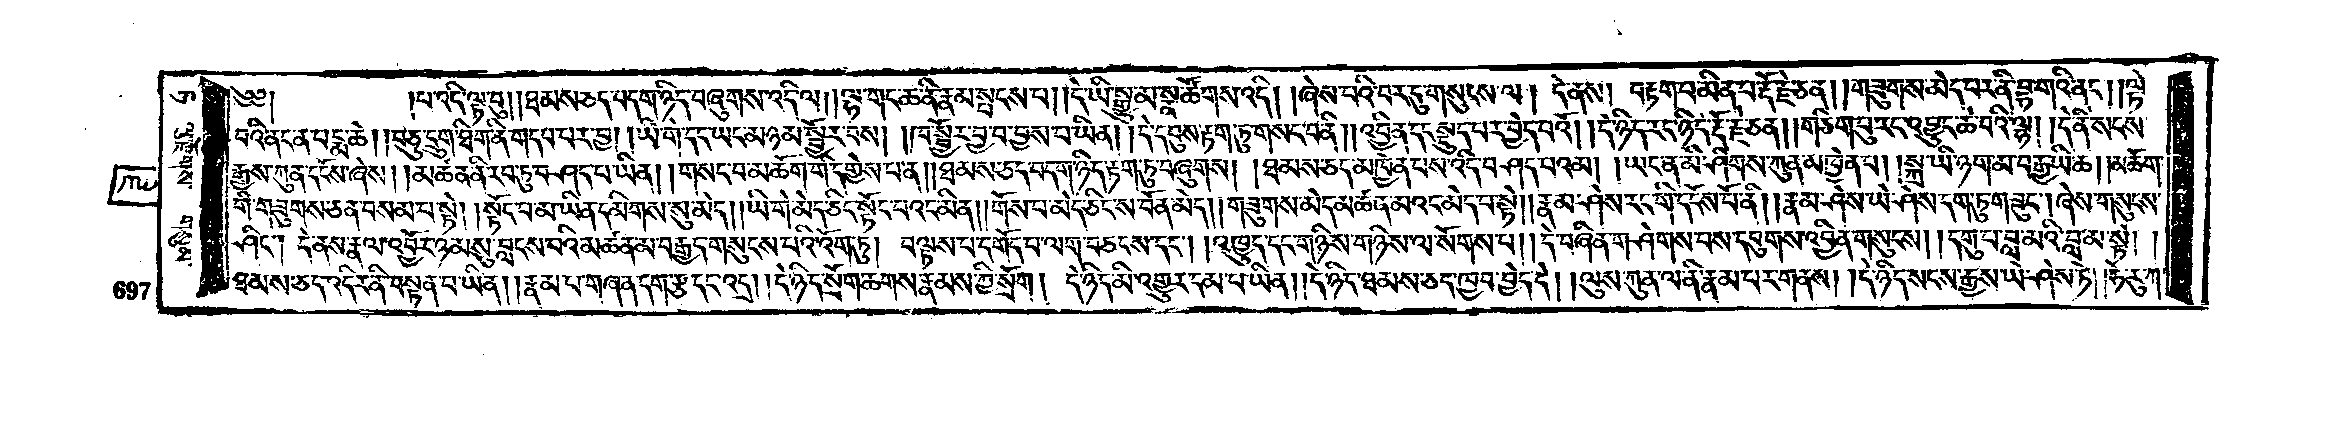༄༅། །པ་འདི་ལྟ་བུ། །ཐམས་ཅད་བདག་ཉིད་བཞུགས་འདི་ལ། །ལྷ་གང་ཆ་ནི་རྣམ་སྤངས་པ། །དེ་ཡི་སྒྱུ་མ་སྣ་ཚོགས་འདི། །ཞེས་པའི་བར་དུ་གསུངས་ལ། དེ་ནས། བརྟག་པ་མིན་པ་རྡོ་རྗེ་ཅན། །གཟུགས་མེད་པར་ནི་བྷ་གའི་ནང་། །ལྟེ་
བའི་ནང་ན་པདམ་ཆེ། །བཅུ་དྲུག་ཐིག་ནི་གདབ་པར་བྱ། །ཡི་གེ་དང་ཡང་མཉམ་སྦྱོར་བས། །ཁ་སྦྱོར་བྱ་བ་བྱས་པ་ཡིན། །དེ་དབུས་རྟག་ཏུ་གསང་བ་ནི། །འབྱིན་དང་སྡུད་པར་བྱེད་པའོ། །དེ་ཉིད་རང་ཉིད་རྡོ་རྗེ་ཅན། །གཅིག་པུ་རང་འབྱུང་ཆེ་བའི་ལྷ། །དེ་ནི་སངས་
རྒྱས་ཀུན་དངོས་ཞེས། །མཚན་ནི་རབ་ཏུ་བཤད་པ་ཡིན། །གསང་བ་མཆོག་གི་དགྱེས་པ་ན། །ཐམས་ཅད་བདག་ཉིད་རྟག་ཏུ་བཞུགས། །ཐམས་ཅད་མཁྱེན་པས་འདི་བཤད་པའམ། །ཡང་ན་མི་ཤིགས་ཀུན་མཁྱེན་པ། །སྐྲ་ཡི་ཉག་མ་བརྒྱ་ཡི་ཆ། །མཆོག་
གི་གཟུགས་ཅན་བསམ་པ་སྟེ། །སྟོང་པ་མ་ཡིན་དམིགས་སུ་མེད། །ཡི་གེ་མེད་ཅིང་སྟོང་པའང་མིན། །གོས་པ་མེད་ཅིང་ས་བོན་མེད། །གཟུགས་མེད་མཚན་མའང་མེད་པ་སྟེ། །རྣམ་ཤེས་རང་གི་དངོས་པོ་ནི། །རྣམ་ཤེས་ཡེ་ཤེས་དག་ཏུ་གཟུང་། ཞེས་གསུངས་
ཤིང་། དེ་ནས་རྣལ་འབྱོར་ཉམས་སུ་བླངས་པའི་མཚན་མ་བརྒྱད་གསུངས་པའི་འོག་ཏུ། བལྟས་པ་དགོད་པ་ལག་བཅངས་དང་། །འཁྱུད་དང་གཉིས་གཉིས་ལ་སོགས་པ། །དེ་བཞིན་གཤེགས་པས་དབུགས་འབྱིན་གསུངས། །དགུ་པ་བླ་མའི་བླ་མ་སྟེ། །
ཐམས་ཅད་འདིར་ནི་བསྟན་པ་ཡིན། །རྣམ་པ་གཞན་དག་རྩ་དང་འདྲ། །དེ་ཉིད་སྲོག་ཆགས་རྣམས་ཀྱི་སྲོག །དེ་ཉིད་མི་འགྱུར་དམ་པ་ཡིན། །དེ་ཉིད་ཐམས་ཅད་ཁྱབ་བྱེད་དེ། །ལུས་ཀུན་ལ་ནི་རྣམ་པར་གནས། །དེ་ཉིད་སངས་རྒྱས་ཡེ་ཤེས་ཏེ། །ཧེ་རུ་ཀ་